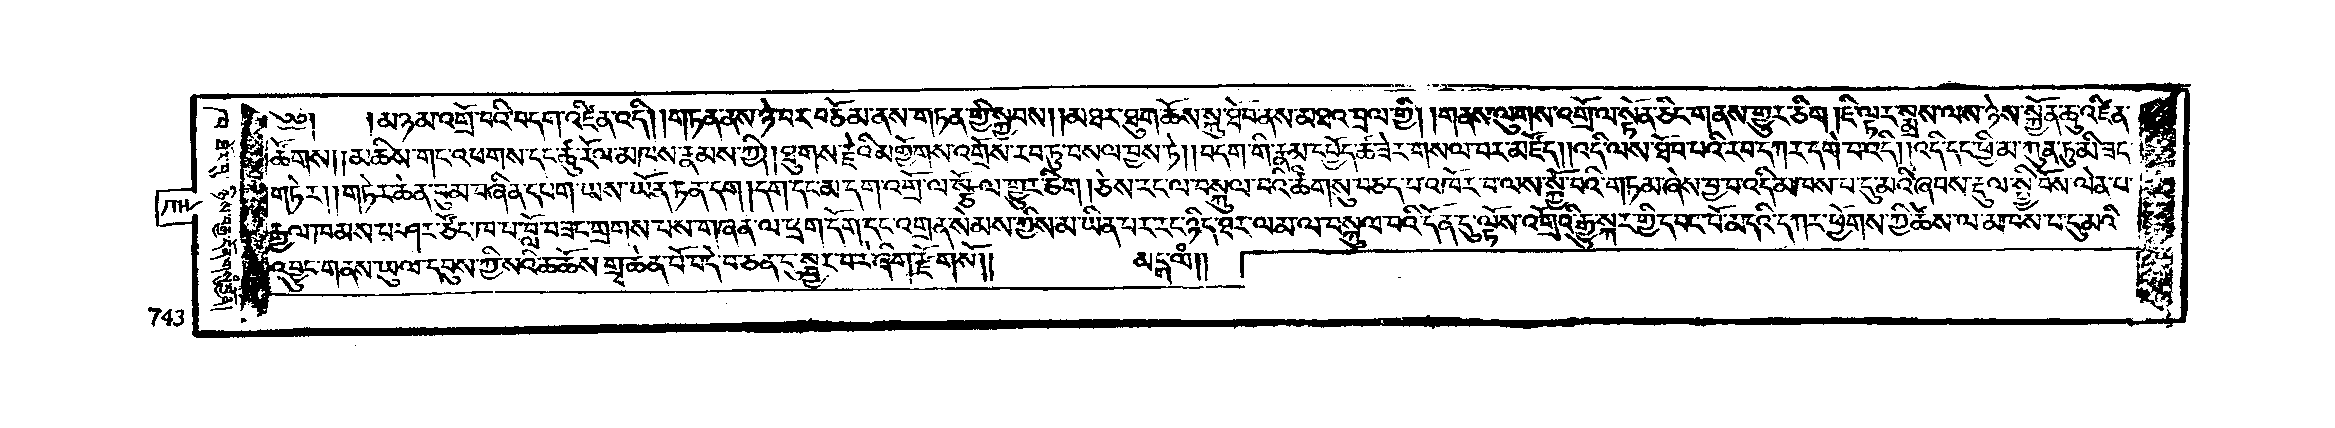༄༅། །མཉམ་འགྲོ་བའི་བདག་འཛིན་འདི། །གཏན་ནས་ཉེ་བར་བཅོམ་ནས་གཏན་གྱི་སྐྱབས། །མཐར་ཐུག་ཆོས་སྐུ་ཐོབ་ནས་མཐའ་བྲལ་གྱི། །གནས་ལུགས་འགྲོ་ལ་སྟོན་ཅིང་གནས་གྱུར་ཅིག །ཇི་ལྟར་སྨྲས་ལས་ཉེས་སྐྱོན་ཆུ་འཛིན་
ཚོགས། །མཆིས་གང་འཕགས་དང་ཚུ་རོལ་མཁས་རྣམས་ཀྱི། །ཐུགས་རྗེའི་མགྱོགས་འགྲོས་རབ་ཏུ་བསལ་བྱས་ཏེ། །བདག་གི་རྣམ་དཔྱོད་ཚ་ཟེར་གསལ་བར་མཛོད། །འདི་ལས་ཐོབ་པའི་རབ་དཀར་དགེ་བ་འདི། །འདི་དང་ཕྱི་མ་ཀུན་ཏུ་མི་ཟད་
གཏེར། །གཏེར་ཆེན་བུམ་བཞིན་དཔག་ཡས་ཡོན་ཏན་དག །དག་དང་མ་དག་འགྲོ་ལ་སྩོལ་གྱུར་ཅིག །ཅེས་རང་ལ་བསྐུལ་བའི་ཚིགས་སུ་བཅད་པ་འཁོར་བ་ལས་སྐྱོ་བའི་གཏམ་ཞེས་བྱ་བ་འདི་མཁས་པ་དུ་མའི་ཞབས་རྡུལ་སྤྱི་བོས་ལེན་པ་
རྒྱལ་ཁམས་པ་ཤར་ཙོང་ཁ་པ་བློ་བཟང་གྲགས་པས་གཞན་ལ་ཕྲག་དོག་དང་འགྲན་སེམས་ཀྱིས་མ་ཡིན་པར་རང་ཉིད་ཐར་ལམ་ལ་བསྐུལ་བའི་དོན་དུ་ལྟོས་འགྲོའི་རྒྱུ་སྐར་གྱི་དབང་པོ་མདའི་དཀར་ཕྱོགས་ཀྱི་ཚེས་ལ་མཁས་པ་དུ་མའི་
འབྱུང་གནས་ཡུལ་དབུས་ཀྱི་སའི་ཆ་ཆོས་གྲྭ་ཆེན་པོ་བདེ་བ་ཅན་དུ་སྦྱར་བ་རི་ཞིག་རྫོགས་སོ།། མངྒ་ལཾ།།